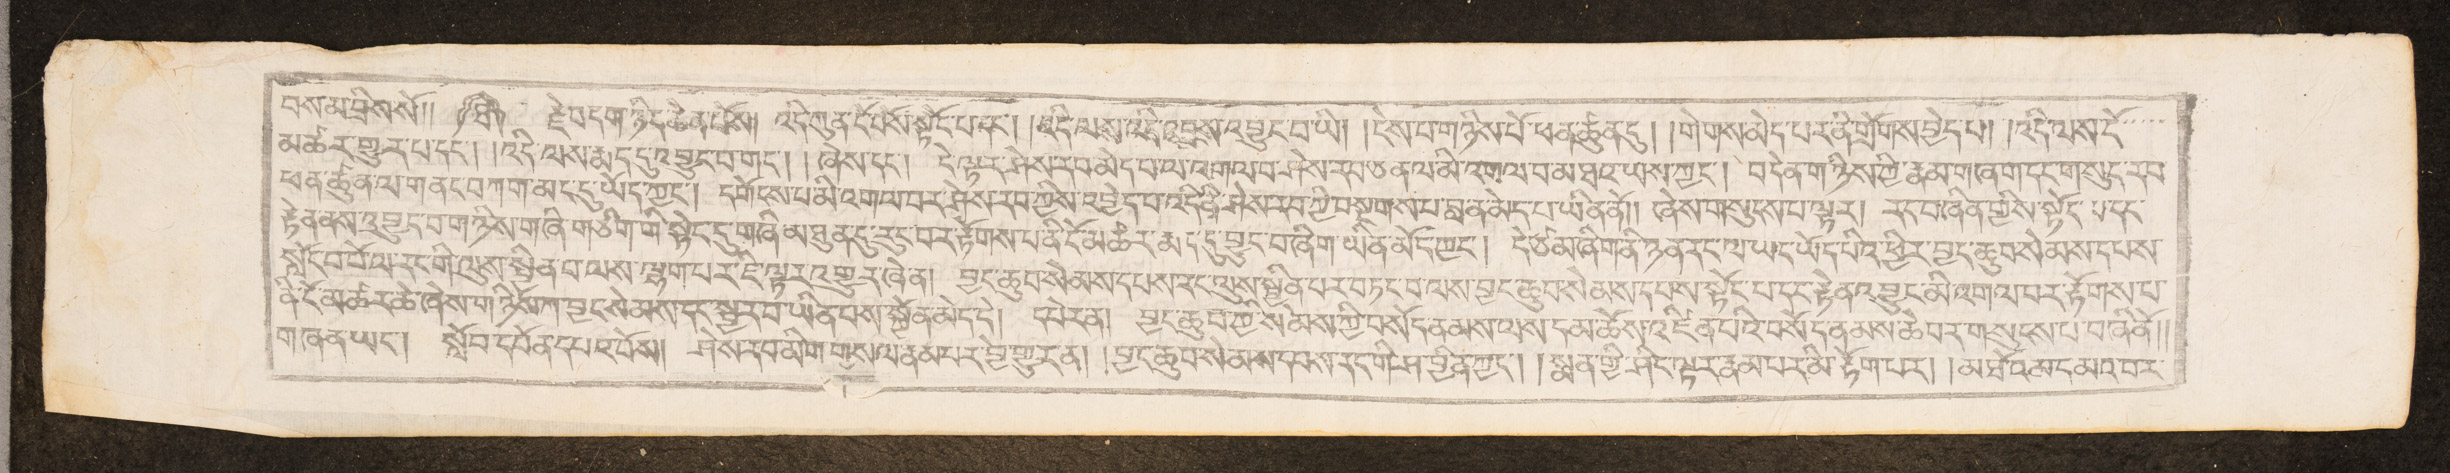བས་མ་བྲིས་སོ།། ༼༽ཐ༼༽ རྗེ་བདག་ཉིད་ཆེན་པོས། འདི་ཀུན་ངོ་བོས་སྟོང་པ་དང་། འདི་ལས་འདི་འབྲས་འབྱུང་བ་ཡི། །ངེས་པ་གཉིས་པོ་ཕན་ཚུན་དུ། །གེགས་མེད་པར་ནི་གྲོགས་བྱེད་པ། འདི་ལས་ངོ་
མཚར་གྱུར་པ་དང་། འདི་ལས་རྨད་དུ་འབྱུང་བ་གང་། །ཞེས་དང་། དེ་ལྟར་ཤེས་རབ་མེད་པ་ལ་འགལ་བ་ཤེས་རབ་ཅན་ལ་མི་འགལ་བ་མཐའ་ཡས་ཀྱང་། བདེན་གཉིས་ཀྱི་རྣམ་གཞག་དང་གསུངས་རབ་
ཕན་ཚུན་ལ་གནང་བཀག་མང་དུ་ཡོད་ཀྱང་། དགོངས་པ་མི་འགལ་བར་ཤེས་རབ་ཀྱིས་འབྱེད་པ་འདི་ནི་ཤེས་རབ་ཀྱི་བསྔགས་པ་བླ་ན་མེད་པ་ཡིན་ནོ།། ཞེས་གསུངས་པ་ལྟར། རང་བཞིན་གྱིས་སྟོང་པ་དང་
རྟེན་ནས་འབྱུང་བ་གཉིས་གཞི་གཅིག་གི་སྟེང་དུ་གཞི་མཐུན་དུ་རུང་བར་རྟོགས་པ་ནི་ངོ་མཚར་རྨད་དུ་བྱུང་བ་ཞིག་ཡིན་མོད་ཀྱང་། དེ་ཙམ་ཞིག་ནི་ཉན་རང་ལ་ཡང་ཡོད་པའི་ཕྱིར་བྱང་ཆུབ་སེམས་དཔས་
སློང་བ་པོ་ལ་རང་གི་ལུས་བྱིན་པ་ལས་ལྷག་པར་ཇི་ལྟར་འགྱུར་ཞེ་ན། བྱང་ཆུབ་སེམས་དཔས་རང་ལུས་སྦྱིན་པར་བཏང་བ་ལས་བྱང་ཆུབ་སེམས་པས་སྟོང་པ་དང་རྟེན་འབྱུང་མི་འགལ་བར་རྟོགས་པ་
ནི་ངོ་མཚར་ཆེ་ཞེས་གཉིས་ཀ་བྱང་སེམས་དང་སྦྱར་བ་ཡིན་པས་སྐྱོན་མེད་དོ། །དཔེར་ན། བྱང་ཆུབ་ཀྱི་སེམས་ཀྱི་བསོད་ནམས་ལས་དམ་ཆོས་འཛིན་པའི་བསོད་ནམས་ཆེད་བར་གསུངས་པ་བཞི་ནོ།།
གཞན་ཡང་། སློབ་དཔོན་དཔའ་བོས། །ཤེས་རབ་མིག་གསལ་རྣམ་པར་བཡ་གྱུར་ན། །བྱང་ཆུབ་སེམས་དཔས་རང་གི་ཤ་བྱིན་ཀྱང་། །སྨན་གྱི་ཤིང་ལྟར་རྣམ་པར་མི་རྟོག་པར། །མཐོ་འམ་དམའ་བར་